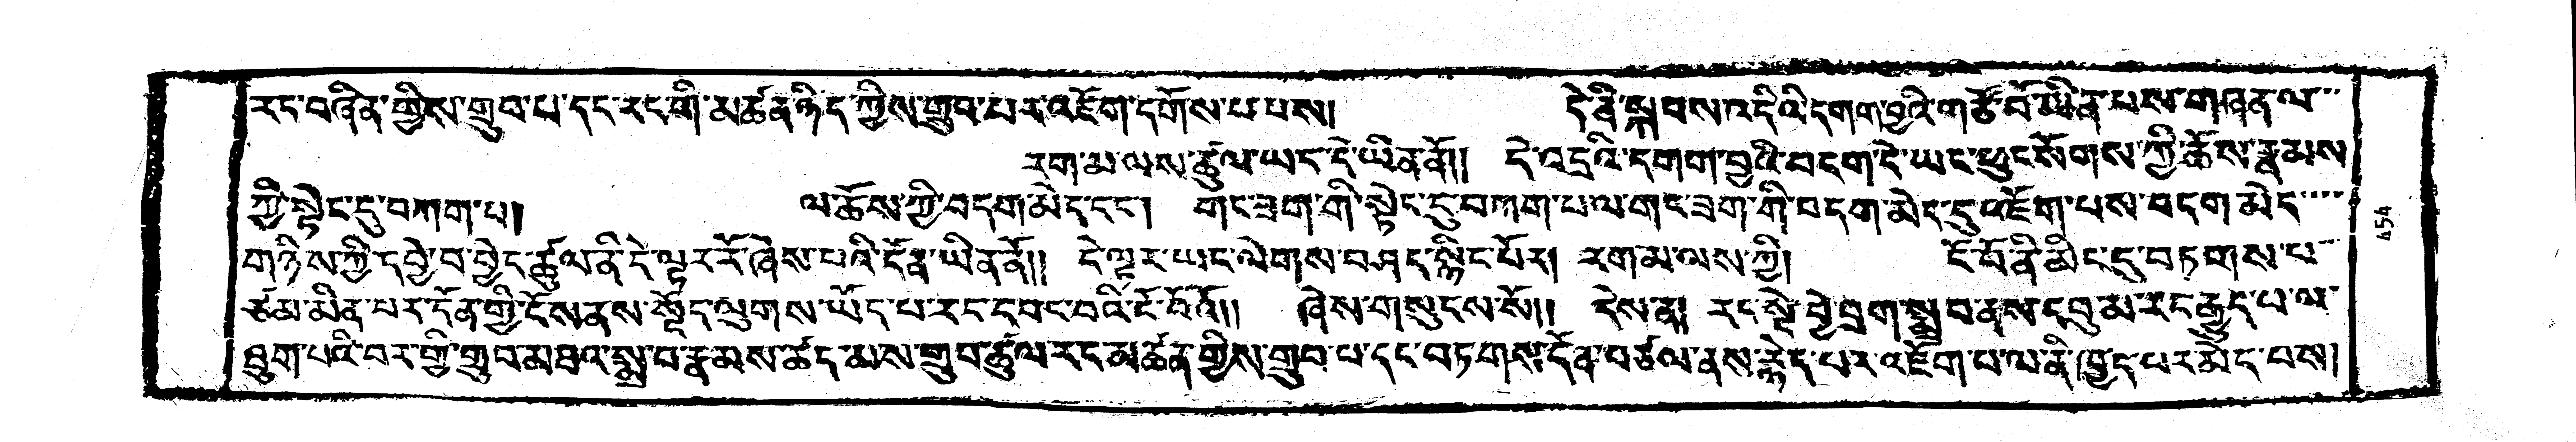རང་བཞིན་གྱིས་གྲུབ་པ་དང་རང་གི་མཚན་ཉིད་ཀྱིས་གྲུབ་པར་འཇོག་དགོས་པ་པས། དེ་ནི་སྐབས་འདིའི་དགག་བྱའི་གཙོ་བོ་ཡིན་པས་གཞན་ལ་
རག་མ་ལས་ཚུལ་ཡང་དེ་ཡིན་ནོ། །དེ་འདྲའི་དགག་བྱའི་བདག་དེ་ཡང་ཕུང་སོགས་ཀྱི་ཆོས་རྣམས་
ཀྱི་སྟེང་དུ་བཀག་པ། ལ་ཆོས་ཀྱི་བདག་མེད་དང་། གང་ཟག་གི་སྟེང་དུ་བཀག་པ་ལ་གང་ཟག་གི་བདག་མེད་དུ་འཇོག་པས་བདག་མེད་
གཉིས་ཀྱི་དབྱེ་བ་བྱེད་ཚུལ་ནི་དེ་ལྟར་རོ་ཞེས་པའི་དོན་ཡིན་ནོ། །དེ་ལྟར་ཡང་ལེགས་བཤད་སྙིང་པོར། རག་མ་ལས་ཀྱི། ངོ་བོ་ནི་མིང་དུ་བཏགས་པ་
ཙམ་མིན་པར་དོན་གྱི་ངོས་ནས་སྡོད་ལུགས་ཡོད་པ་རང་དབང་བའི་ངོ་བོའོ། །ཞེས་གསུངས་སོ། །དེས་ན། རང་སྡེ་བྱེ་བྲག་སྨྲ་བ་ནས་དབུ་མ་རང་རྒྱུད་པ་ལ་
ཐུག་པའི་བར་གྱི་གྲུབ་མཐའ་སྨྲ་བ་རྣམས་ཚད་མས་གྲུབ་ཚུལ་རང་མཚན་གྱིས་གྲུབ་པ་དང་བཏགས་དོན་བཙལ་ནས་རྙེད་པར་འཇོག་པ་ལ་ནི་ཁྱད་པར་མེད་པས།